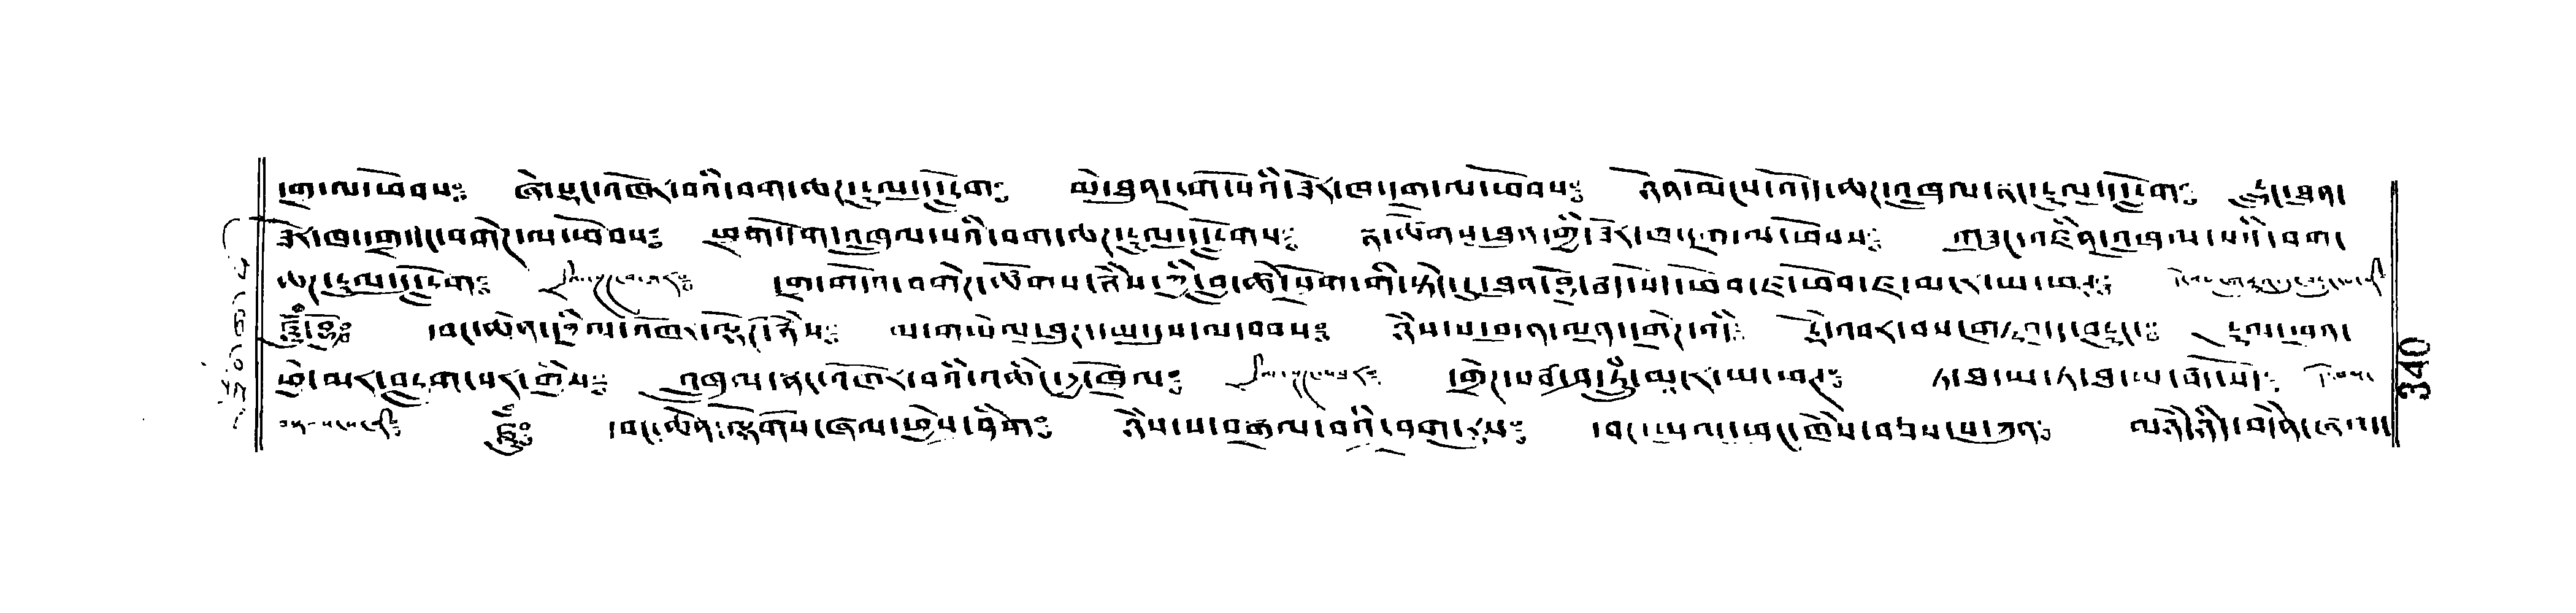དགྲ་ལ་ཕོབས༔ ཞེ་སྡང་འཁོར་བའི་བག་ཆགས་རྡུལ་དུ་རློག༔ མེ་ཐུན་དྲག་པོའི་ཟོར་ཁ་དགྲ་ལ་ཕོབས༔ ཉོན་མོངས་འདོད་ཆགས་འཁྲུལ་སྣང་རྡུལ་དུ་རློག༔ རླུང་ཐུན་
ཟོར་ཁ་དགྲ་དང་བགེགས་ལ་ཕོབས༔ ཕྲག་དོག་འཁྲུལ་པའི་བག་ཆགས་རྡུལ་དུ་རློག༔ སྣ་ཚོགས་ཐུན་གྱི་ཟོར་ཁ་དགྲ་ལ་ཕེབས༔ གཟུང་འཛིན་འཁྲུལ་པའི་བག་
ཆགས་རྡུལ་དུ་རློག༔ དྲིལ་སྔགས་མཐར༔ དགྲ་གདོན་བགེགས་ཚོགས་རྣམས་ཀྱི་བླ་ཚེ་སྲོག་གི་སྟེང་དུ་ཐུན་བྷྱོ་རྦད་སོད་ཕོབ་ཛ་ཕོབ་ཛ་མ་ར་ཡ་ཕཊ༔ དེ་ནས་གཏུན་དུ་རྡུང་པ་ནི༔ 
ཧཱུྃ་བྷྱོ༔ དབང་ཆེན་དཀྱིལ་འཁོར་ལྷ་ཚོགས་རྣམས༔ མ་གཡེལ་ཐུགས་དམ་དུས་ལ་བབས༔ ཉམས་པ་བདུན་ལྡན་དགྲ་བགེགས་འདི༔ རྡོ་རྗེ་འབར་བས་གཏུན་དུ་བརྡུང༔ རྡུལ་ཕྲན་
ཕྱེ་མར་བརླག་པར་གྱིས༔ འཁྲུལ་སྣང་འཁོར་བའི་འཆིང་རྒྱ་ཁྲོལ༔ དྲིལ་སྔགས་མཐར༔ དགྲ་བགེགས་སརྦ་ཤ་ཏྲུཾ་མཱ་ར་ཡ་ཕཊ༔ ཏ་ཐ་ཡ་ཏ་ཐ་ཡ་རྦད་སོད༔ དེ་ནང་
བསྟབ་པ་ནི༔ ཧཱུྃ༔ དབང་ཆེན་ལྷ་ཚོགས་ཞལ་ཕྱེས་ཤིག༔ ཉམས་པ་བསྒྲལ་བའི་ཤ་ཁྲག་རུས༔ དབང་ཡུལ་ཕུང་ཁམས་བཅས་པ་ཀུན༔ མཉམ་ཉིད་བདེ་ཆེན་ཞལ་